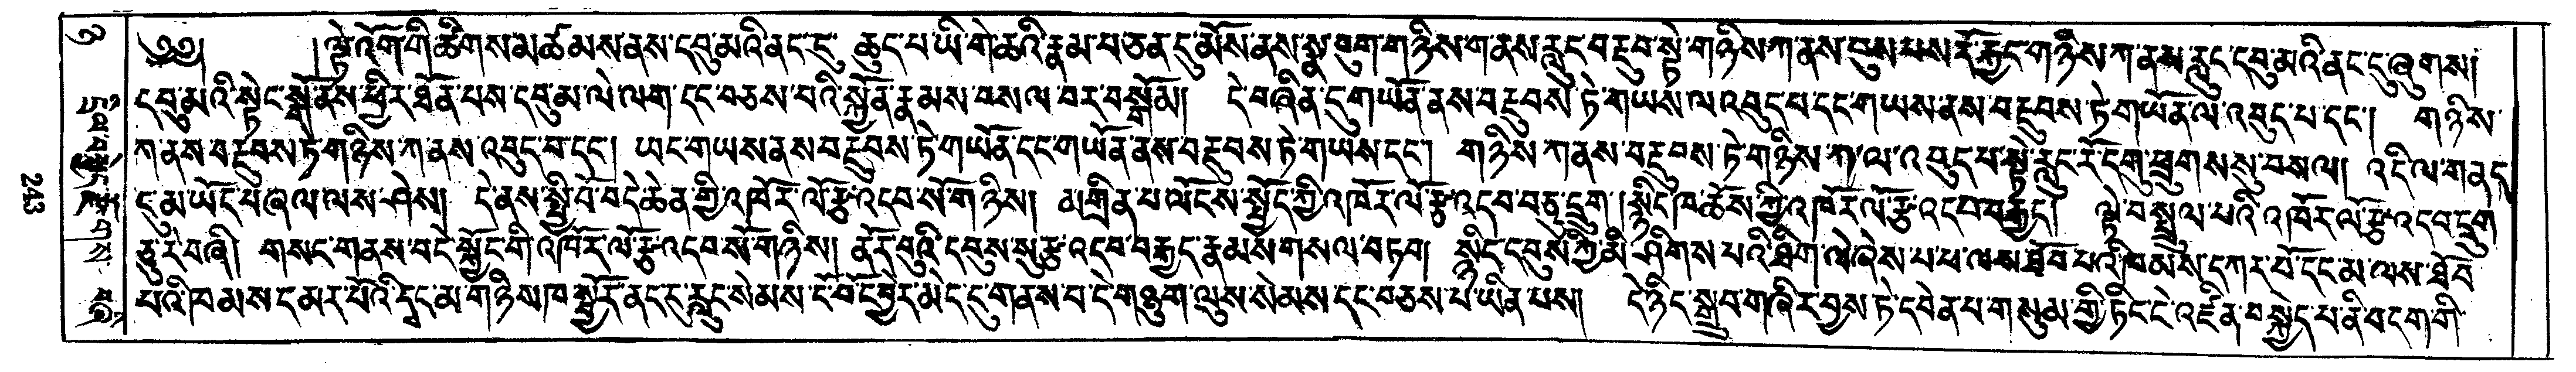༄༅། །ལྟེ་འོག་གི་ཚིགས་མཚམས་ནས་དབུ་མའི་ནང་དུ་ཆུང་བ་ཡི་གེ་ཆའི་རྣམ་པ་ཅན་དུ་མོས་ནས་སྣ་བུག་གཉིས་ཀ་ནས་རླུང་བརྡུབ་སྟེ་གཉིས་ཀ་ནས་བུས་པས་རོ་རྐྱང་གཉིས་ཀ་ནས་རླུང་དབུ་མའི་ནང་དུ་ཞུགས།
དབུ་མའི་སྟེང་སྒོ་ནས་ཕྱིར་ཐོན་བས་དབུ་མ་ལེ་ལག་དང་བཅས་པའི་སྐྱོན་རྣམས་བསལ་བར་བསྒོམ། དེ་བཞིན་དུ་གཡོན་ནས་བརྡུབས་ཏེ་གཡས་ལ་འབུད་པ་དང་གཡས་ནས་བརྡུབས་ཏེ་གཡོན་ལ་འབུད་པ་དང་། གཉིས་
ཀ་ནས་བརྡུབས་ཏེ་གཉིས་ཀ་ནས་འབུད་པ་དང་། ཡང་གཡས་ནས་བརྡུབས་ཏེ་གཡོན་དང་གཡོན་ནས་བརྡུབས་ཏེ་གཡས་དང་། གཉིས་ཀ་ནས་བརྡུབས་ཏེ་གཉིས་ཀ་ལ་འབུད་པ་སྟེ་རླུང་རོ་དགུ་ཕྲུགས་སུ་བསལ། འདི་ལ་གནད་
དུ་མ་ཡོད་པ་ཞལ་ལས་ཞེས། དེ་ནས་སྤྱོ་བོ་བདེ་ཆེན་གྱི་འཁོར་ལོ་རྩ་འདབ་སོ་གཉིས། མགྲིན་པ་ལོངས་སྤྱོད་ཀྱི་འཁོར་ལོ་རྩ་འདབ་བཅུ་དྲུག། སྙིང་ཁ་ཆོས་ཀྱི་འཁོར་ལོ་རྩ་འདབ་བརྒྱད། ལྟེ་བ་སྤྲུལ་བའི་འཁོར་ལོ་རྩ་འདབ་དྲུག་
ཅུ་རེ་བཞི། གསང་གནས་བདེ་སྐྱོང་གི་འཁོར་ལོ་རྩ་འདབ་སོ་གཉིས། ནོར་བུའི་དབུས་སུ་རྩ་འདབ་བརྒྱད་རྣམས་གསལ་བཏབ། སྙིང་དབུས་ཀྱི་མི་ཤིགས་པའི་ཐིག་ལེ་ཞེས་པ་ཕ་ལས་ཐོབ་པའི་ཁམས་དཀར་པོ་དང་མ་ལས་ཐོབ་
པའི་ཁམས་དམར་པོའི་དྭང་མ་གཉིས་ཁ་སྦྱོར་ནང་དུ་རླུང་སེམས་ངོ་བོ་དབྱེར་མེད་དུ་གནས་པ་དེ་གཉུག་ལུས་སེམས་དང་བཅས་པ་ཡིན་པས། དེ་ཉིད་སྒྲུབ་གཞིར་བྱས་ཏེ་དབེན་པ་གསུམ་གྱི་ཏིང་ངེས་འཛིན་བསྐྱེད་པ་ནི་བདག་གི་